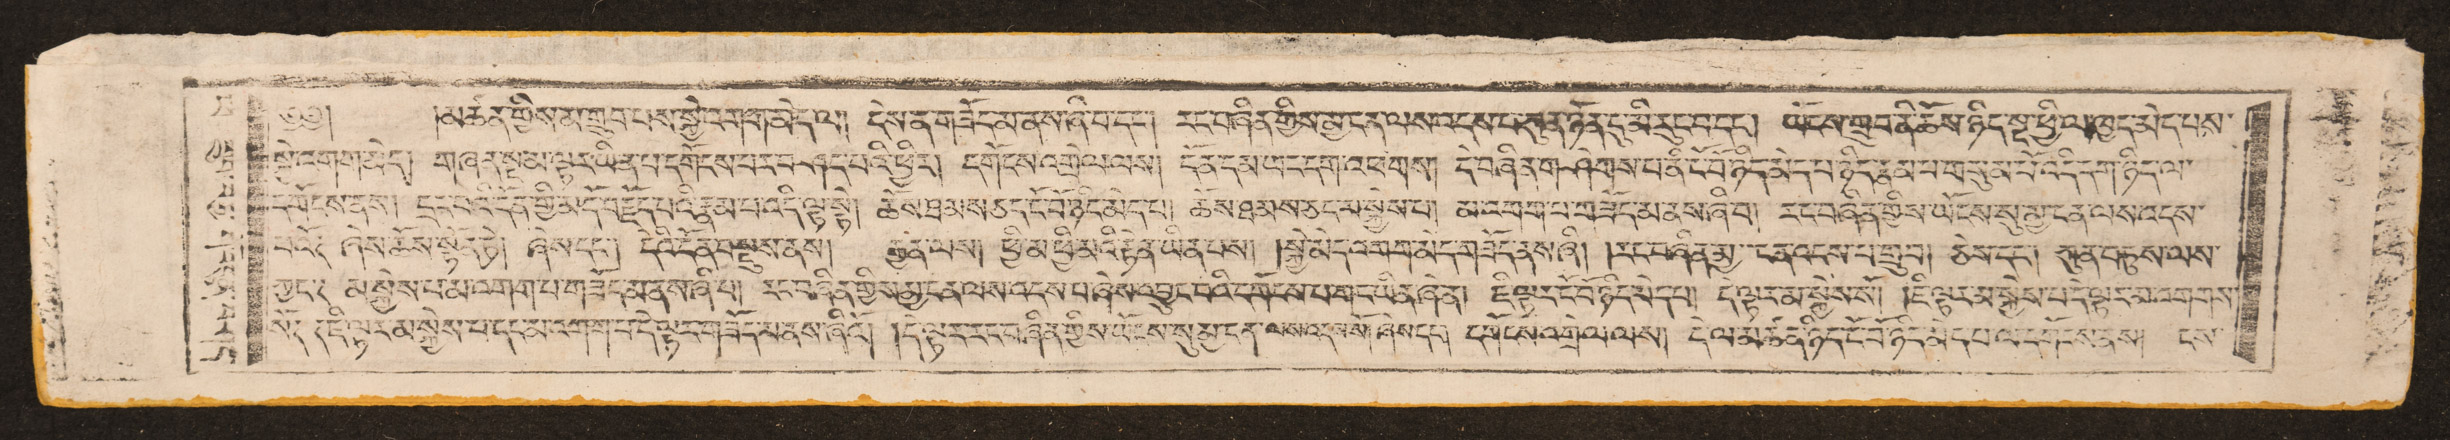༄༅། །མཚན་གྱིས་མ་གྲུབ་པས་སྐྱེ་འགག་མེད་ལ། དེས་ན་གཟོད་མ་ནས་ཞི་བ་དང་། རང་བཞིན་གྱིས་མྱ་ངན་ལས་འདས་པ་ཀུན་ཉོན་དུ་མི་རུང་བ་དང་། ཡོངས་གྲུབ་ནི་ཆོས་ཉིད་སྔ་ཕྱི་ལ་ཁྱད་མེད་པས་
སྐྱེ་འགག་མེད། གཞན་སྔ་མ་ལྟར་ཡིན་པ་དགོངས་པར་བཤད་པའི་ཕྱིར། དགོངས་འགྲེལ་ལས། དོན་དམ་ཡང་དག་འཕགས། དེ་བཞིན་གཤེགས་པ་ནི་ངོ་བོ་ཉིད་མེད་པ་ཉིད་རྣམ་པ་གསུམ་པོ་འདི་དག་ཉིད་ལ་
དགོངས་ནས། དྲང་པའི་དོན་གྱི་མདོ་བརྗོད་པའི་རྣམ་པ་འདི་ལྟ་སྟེ། ཆོས་ཐམས་ཅད་ངོ་བོ་ཉིད་མེད་པ། ཆོས་ཐམས་ཅད་མ་སྐྱེས་པ། མ་འགག་པ་གཟོད་མ་ནས་ཞི་བ། རང་བཞིན་གྱིས་ཡོངས་སུ་མྱ་ངན་ལས་འདས་
པའོ༑ ཞེས་ཆོས་སྟོན་ཏེ། ཞེས་དང་། དེའི་དོན་བསྡུས་ནས། རྒྱན་ལས། ཕྱི་མ་ཕྱི་མའི་རྟེན་ཡིན་པས། །སྐྱེ་མེད་འགག་མེད་གཟོད་ནས་ཞི། །རང་བཞིན་མྱ་ངན་འདས་པ་གྲུབ། ཅེས་དང་། ཀུན་བཏུས་ལས་
ཀྱང་། མ་སྐྱེས་པ་མ་འགག་པ་གཟོད་མ་ནས་ཞི་བ། རང་བཞིན་གྱིས་མྱ་ངན་ལས་འདས་པ་ཞེས་འབྱུང་བའི་དགོངས་པ་གང་ཡིན་ཞེ་ན། ཇི་ལྟར་ངོ་བོ་ཉིད་མེད་པ། དེ་ལྟར་མ་སྐྱེས་སོ། །ཇི་ལྟར་མ་སྐྱེས་པ་དེ་ལྟར་མ་འགགས་
སོ༑ ༑ཇི་ལྟར་མ་སྐྱེས་པ་དང་མ་འགག་པ་དེ་ལྟར་གཟོད་མ་ནས་ཞིའོ། །དེ་ལྟར་རང་བཞིན་གྱིས་ཡོངས་སུ་མྱ་ངན་ལས་འདས་སོ། ཞེས་དང་དགོངས་འགྲེལ་ལས། དེ་ལ་མཚན་ཉིད་ངོ་བོ་ཉིད་མེད་པ་ལ་དགོངས་ནས། ངས་